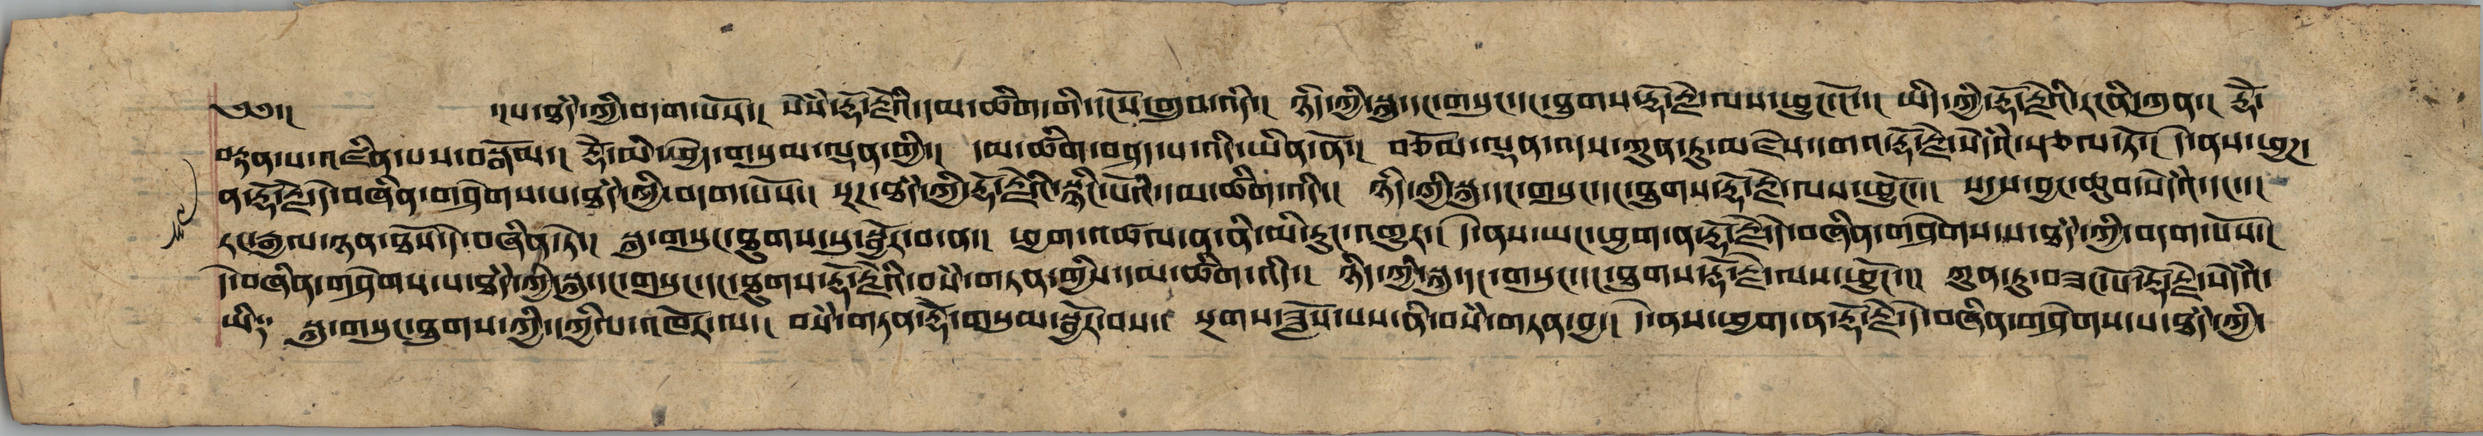༄༅་། ་།ས་ཐཾད་ཀྱི་བདག་པོས་། སེཾས་རྡོ་རྗེའི་དམ་ཚིག་གི་དངོས་གྲུབ་འདི་། ཉིད་ཀྱི་སྐུ་དང་གསུང་དང་ཐུགས་རྡོ་རྗེ་ལས་ཕྱུངོ་་། ཡདི་ཀྱི་རྡོ་རྗེའི་རངིན་ཀུན་། རྡོེ་
བརྟན་པ་འཛིན་པས་བསྒོམ་། རྡོེ་མི་ཕྱེད་གསུམ་ལྡན་གྱི་། དམ་ཚིག་བཤད་པ་འདི་ཡིན་ནོ་། བཅོམ་ལྡན་འདས་ཀུན་ཏུ་མཛེས་དགའ་རྡོ་རྗེ་སེཾདའ་སྩལ་ཏོ་། དེ་ནས་ཕྱཌ་
ན་རྡོ་རྗེ་དེ་བཞིན་གཤེགས་པ་ཐཾད་ཀྱི་བདག་པོས་། སྔཌ་ཐཾད་ཀྱི་རྡོ་རྗེའི་སྙིང་པོའི་དམ་ཚིག་འདི་། ཉིད་ཀྱི་སྐུ་དང་གསུང་དང་ཐུགས་རྡོ་རྗེ་ལས་ཕྱུངོ་་། སདྱས་བྱང་ཆུབ་སེདའཾ་དང་་།
རང་རྒྱལ་ཉན་ཐོས་དེ་བཞིན་ཏེ་། སྐུ་གསུང་ཐུགས་སུ་སྦྱོར་བ་ན་། ཕྱག་འཚལ་ན་ནི་མི་རུང་འགྱུར་། དེ་ནས་ཡང་ཕྱག་ན་རྡོ་རྗེ་དེ་བཞིན་གཤེགས་པ་ཐཾད་ཀྱི་བདག་པོས་།
དེ་བཞིན་གཤེགས་པ་ཐཾད་ཀྱི་སྐུ་དང་གསུང་དང་ཐུགས་རྡོ་རྗེའི་བསཾ་གཏན་གྱིས་དམ་ཚིག་འདི་། ཉིད་ཀྱི་སྐུ་དང་གསུང་དང་ཐུགས་རྡོ་རྗེ་ལས་ཕྱུངོ་་། ཀུན་ཏུ་བཟང་པོ་རྡོ་རྗེ་སེདའཾ་
ཡི༑ སྐུ་གསུང་ཐུགས་ཀྱི་དཀྱིལ་འཁོར་ལ་། བསཾ་གཏན་རྡོེ་གསུམ་སྦྱོར་བས་། སྔགས་ཟློས་པས་ནི་བསཾ་གཏན་བྱ་། དེ་ནས་ཕྱག་ན་རྡོ་རྗེ་དེ་བཞིན་གཤེགས་པ་ཐཾད་ཀྱི་